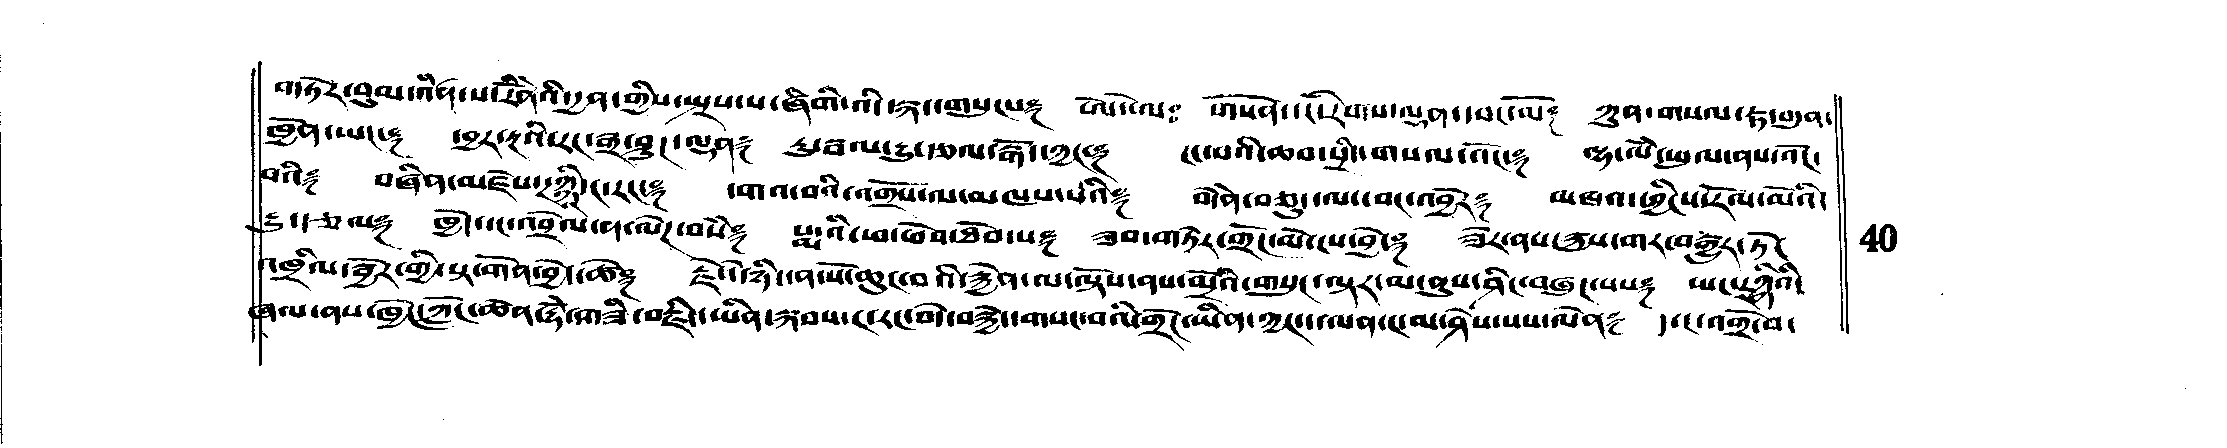གཏེར་བུམ་འཛིན་པ་རིན་པོ་ཆེའི་རྒྱན་གྱིས་སྤྲས་པ་ཞིག་གི་འདི་སྐད་གསུངས། ཨེ་ཨེཿ གསོན་དང་རིགས་ལྡན་དབང་མོ། །ཀུན་གསལ་རྟ་བདུན་
ཁྱོན་ཡང་། །དབྱར་རྔའི་རང་སྒྲ་ཤུགས་ལྡན། །རུ་སྦལ་རྒྱུ་རྩལ་རྒོད་ཀྱང་། །ངང་པའི་ཆབ་སྲིད་གསལ་འོང་། །ལྷ་ལམ་ཡུལ་ནས་འོང་
བའི། །བཞིན་མཛེས་ཌཱཀྐི་ང་རང་། །དགའ་བའི་འགྲོས་ལ་མཁས་པའི། །བདེ་ཆེན་བཅུད་ལ་དབང་འབྱོར། །མཁའ་དབྱིངས་རོལ་མོའི་
སྒྱ་རྩལ། ཁྱོད་དང་འབྲེལ་ན་ལེགས་བསམ། །པདྨའི་ཕ་ཕོབ་༼ག?༽ཐོབ་པ། །ཟབ་གཏེར་གྲོགས་མོ་ངས་བྱེད། །ཟེར་ནས་སྐུས་གར་བསྒྱུར་ཏེ་
འཁྲིལ་སྦྱོར་གྱི་སྟ་གོན་བྱེད་ཚེ། རྗེ་དེ་ཉིད་ན་སོ་ཆུང་བའི་རྐྱེན་ལ་ལྟོས་ནས་མཁའ་འགྲོའི་གསུང་ལྟར་མ་ནུས་ཤིང་བཞུགས་པས། ཡང་ཌཱཀྐིའི་
ཞལ་ནས་ཁྱོད་ཀློང་ཆེན་རྡོ་རྗེ་གཟི་བརྗིད་ཡིན་སྐབས་ང་རང་བདེ་བསྐྱེད་གསང་བའི་གྲོགས་ཡིན་ཀྱང་ད་ལན་ངོ་མ་ཤེས་པས་ལེན། ད་ང་འགྲོ་བ་